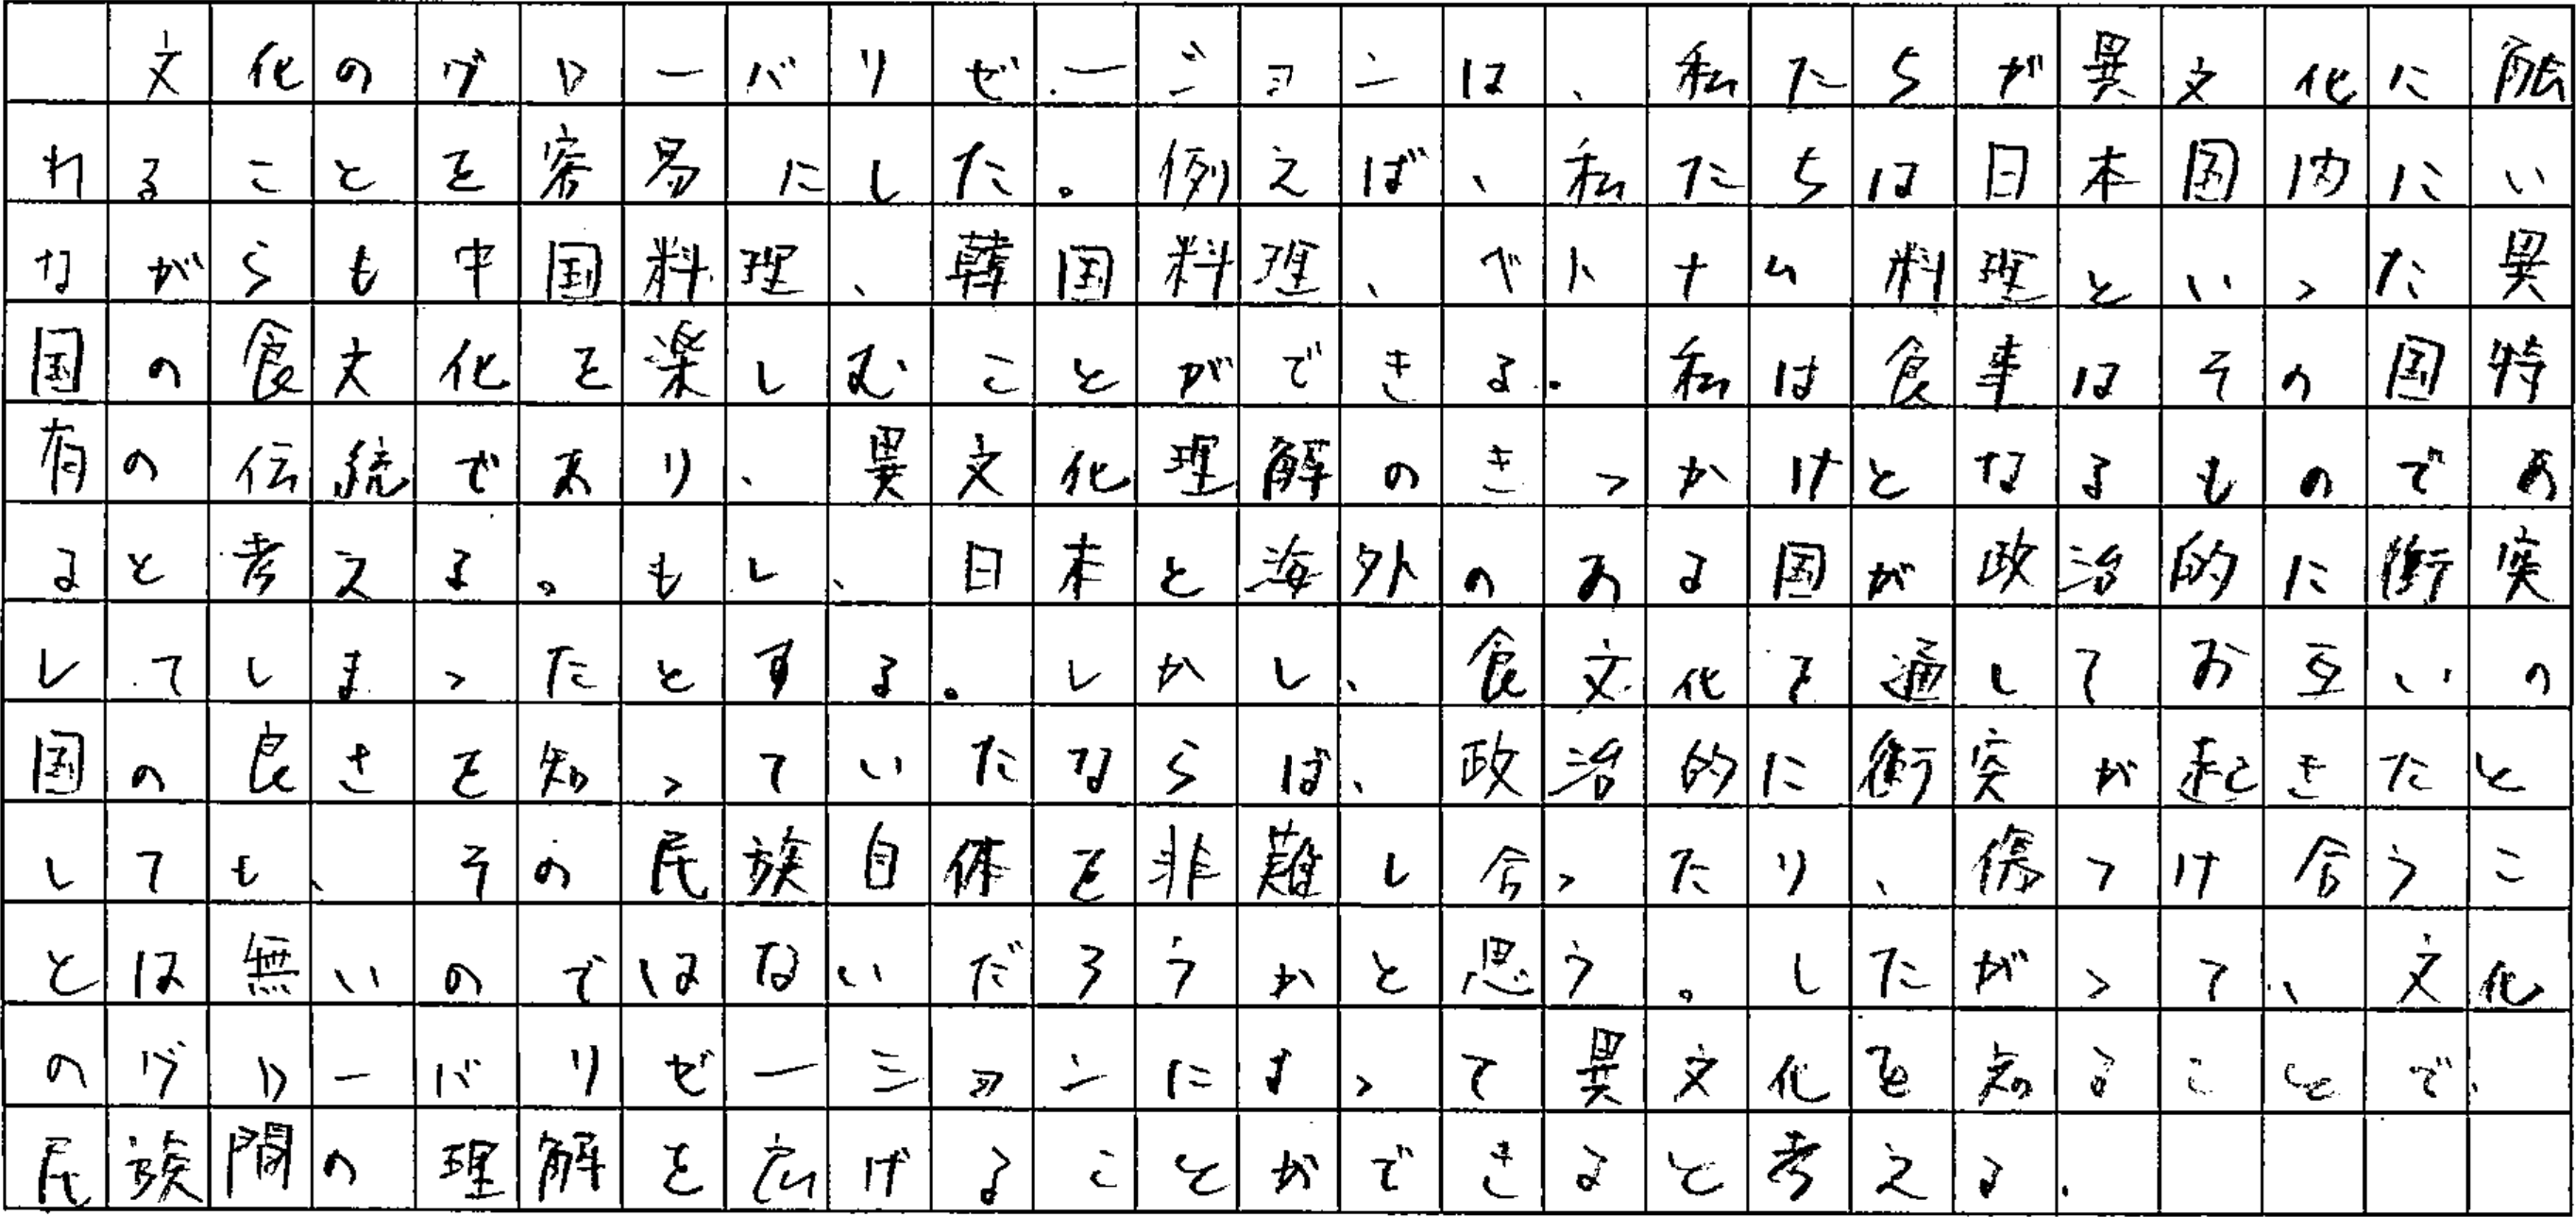　文化のグローバリセーションは、私たちが異文化に触れることを容易にした。例えば、私たちは日本国内にいながらも中国料理、韓国料理、ベトナム料理といった異国の食文化を楽しむことができる。私は食事はその国特有の伝統であり、異文化理解のきっかけとなるものであると考える。もし、日本と海外のある国が政治的に衝突してしまったとする。しかし、食文化を通してお互いの国の良さを知っていたならば、政治的に衝突が起きたとしても、その民族自体を非難し合ったり、傷つけ合うことは無いのではないだろうかと思う。したがって、文化のグローバリゼーションによって異文化を知ることで、民族間の理解を広げることができると考える。
